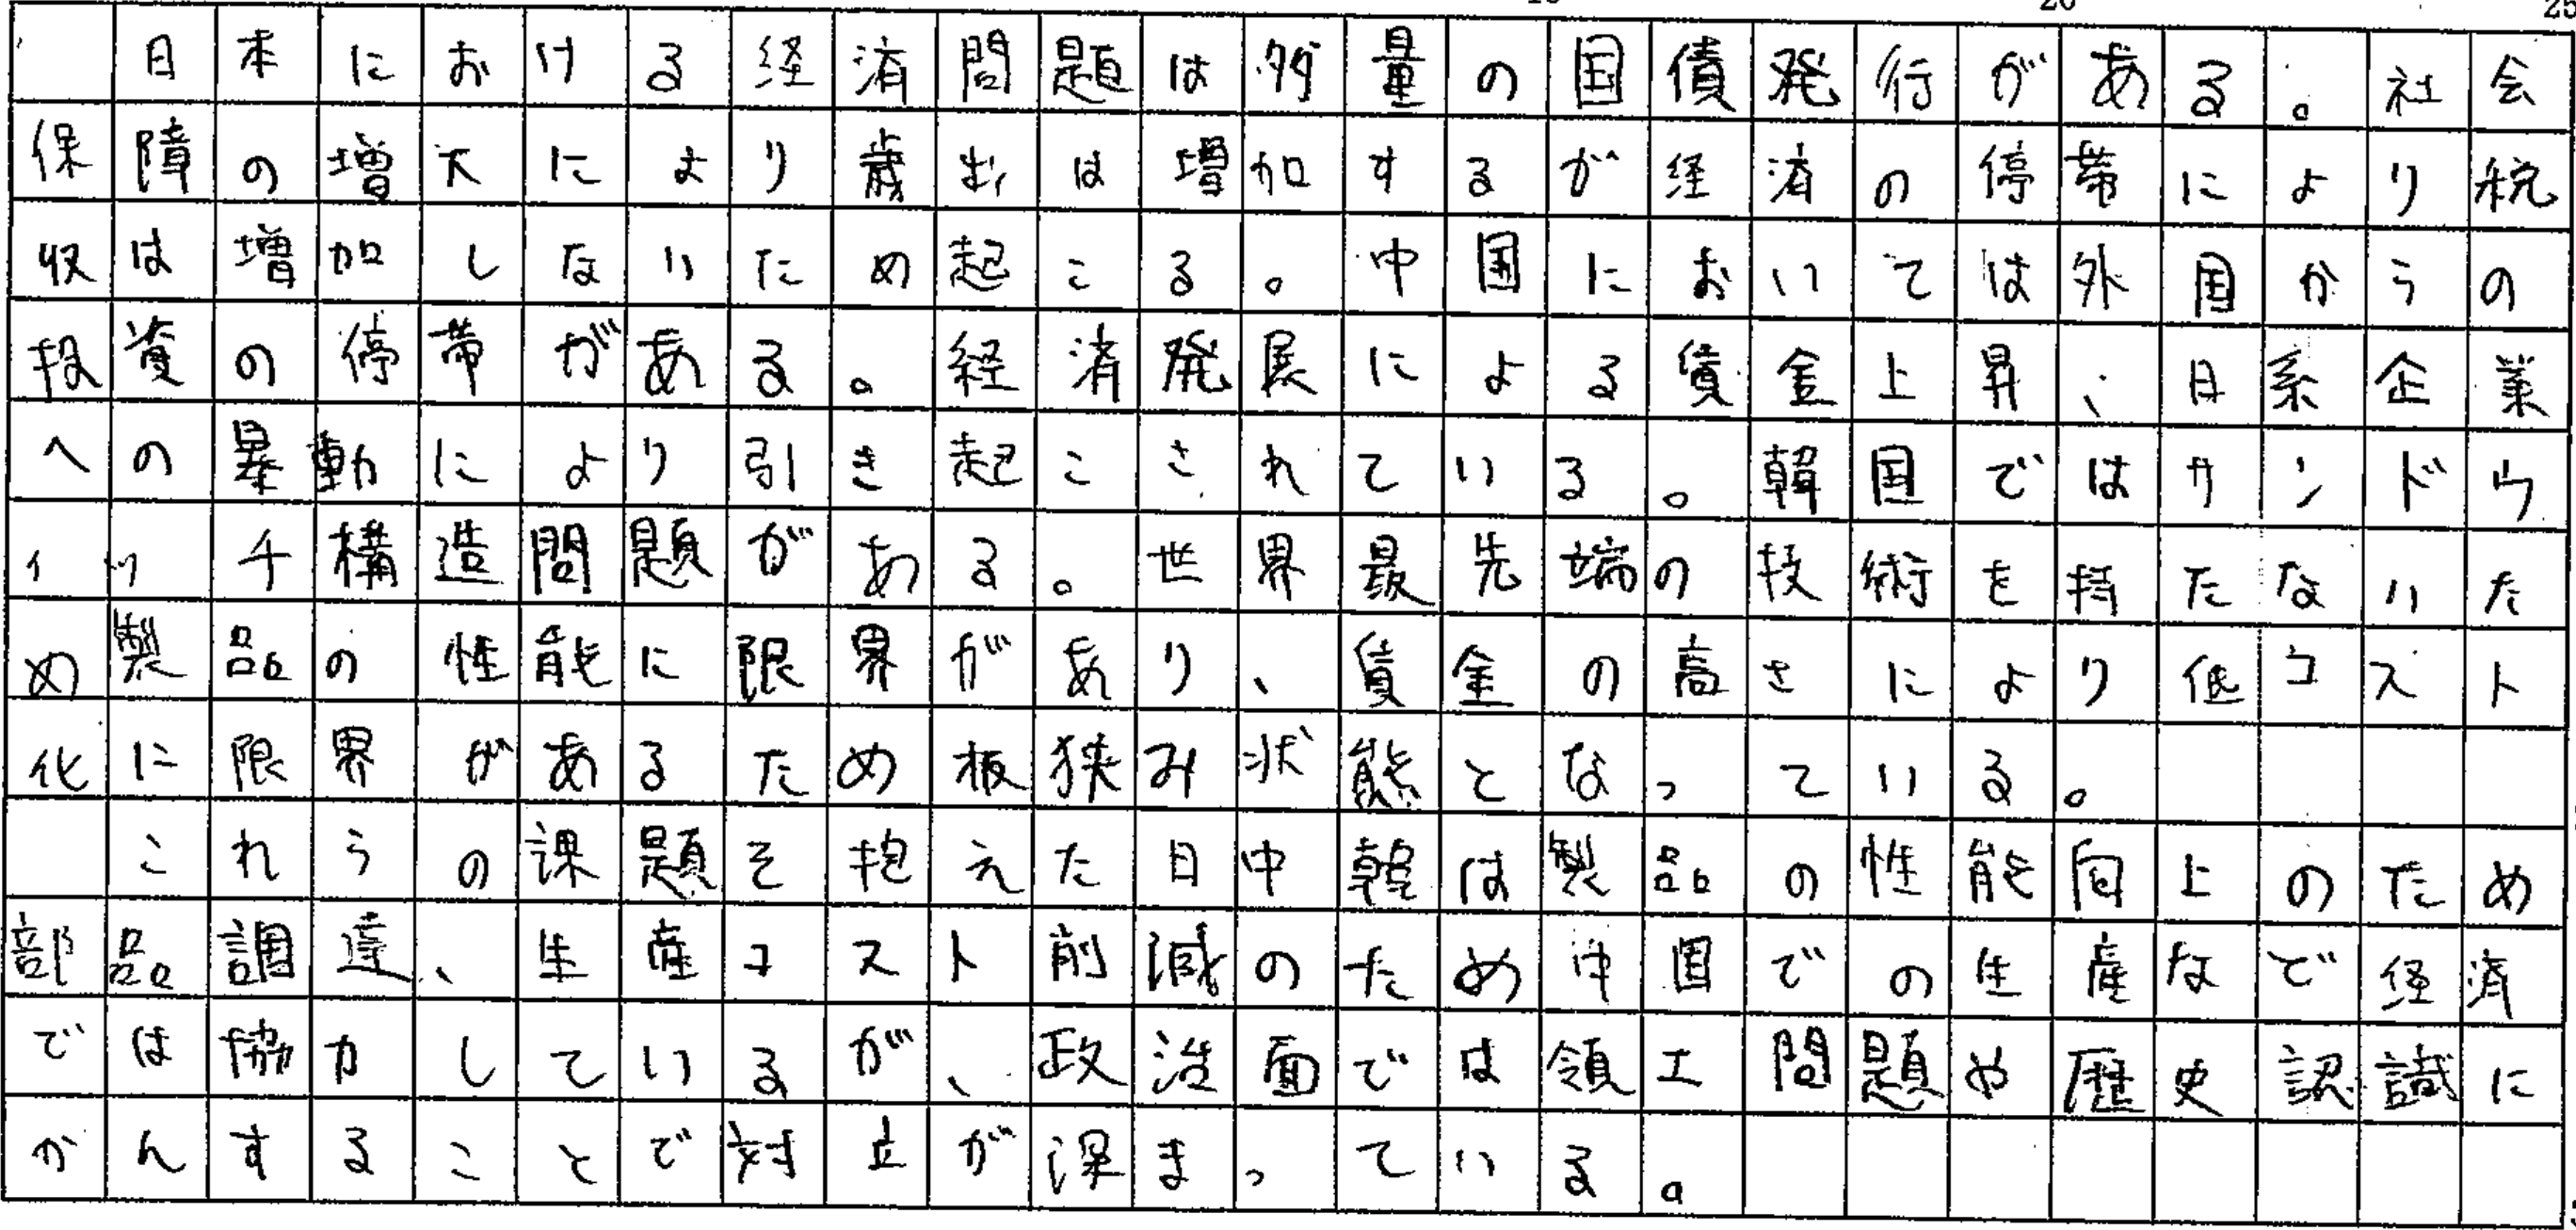　日本における経済問題は多量の国債発行がある。社会保障の増大により歳出は増加するが経済の停帯により税収は増加しないため起こる。中国においては外国からの投資の停帯がある。経済発展による賃金上昇、日系企業への暴動により引き起こされている。韓国ではサンドウィッチ構造問題がある。世界最先端の技術を持たないため製品の性能に限界があり、賃金の高さにより低コスト化に限界があるため板狭み状態となっている。
　これらの課題を抱えた日中韓は製品の性能向上のため部品調達、生産コスト削減のため中国での生産など経済では協力しているが、政治面では領土問題や歴史認識にかんすることで対立が深まっている。
